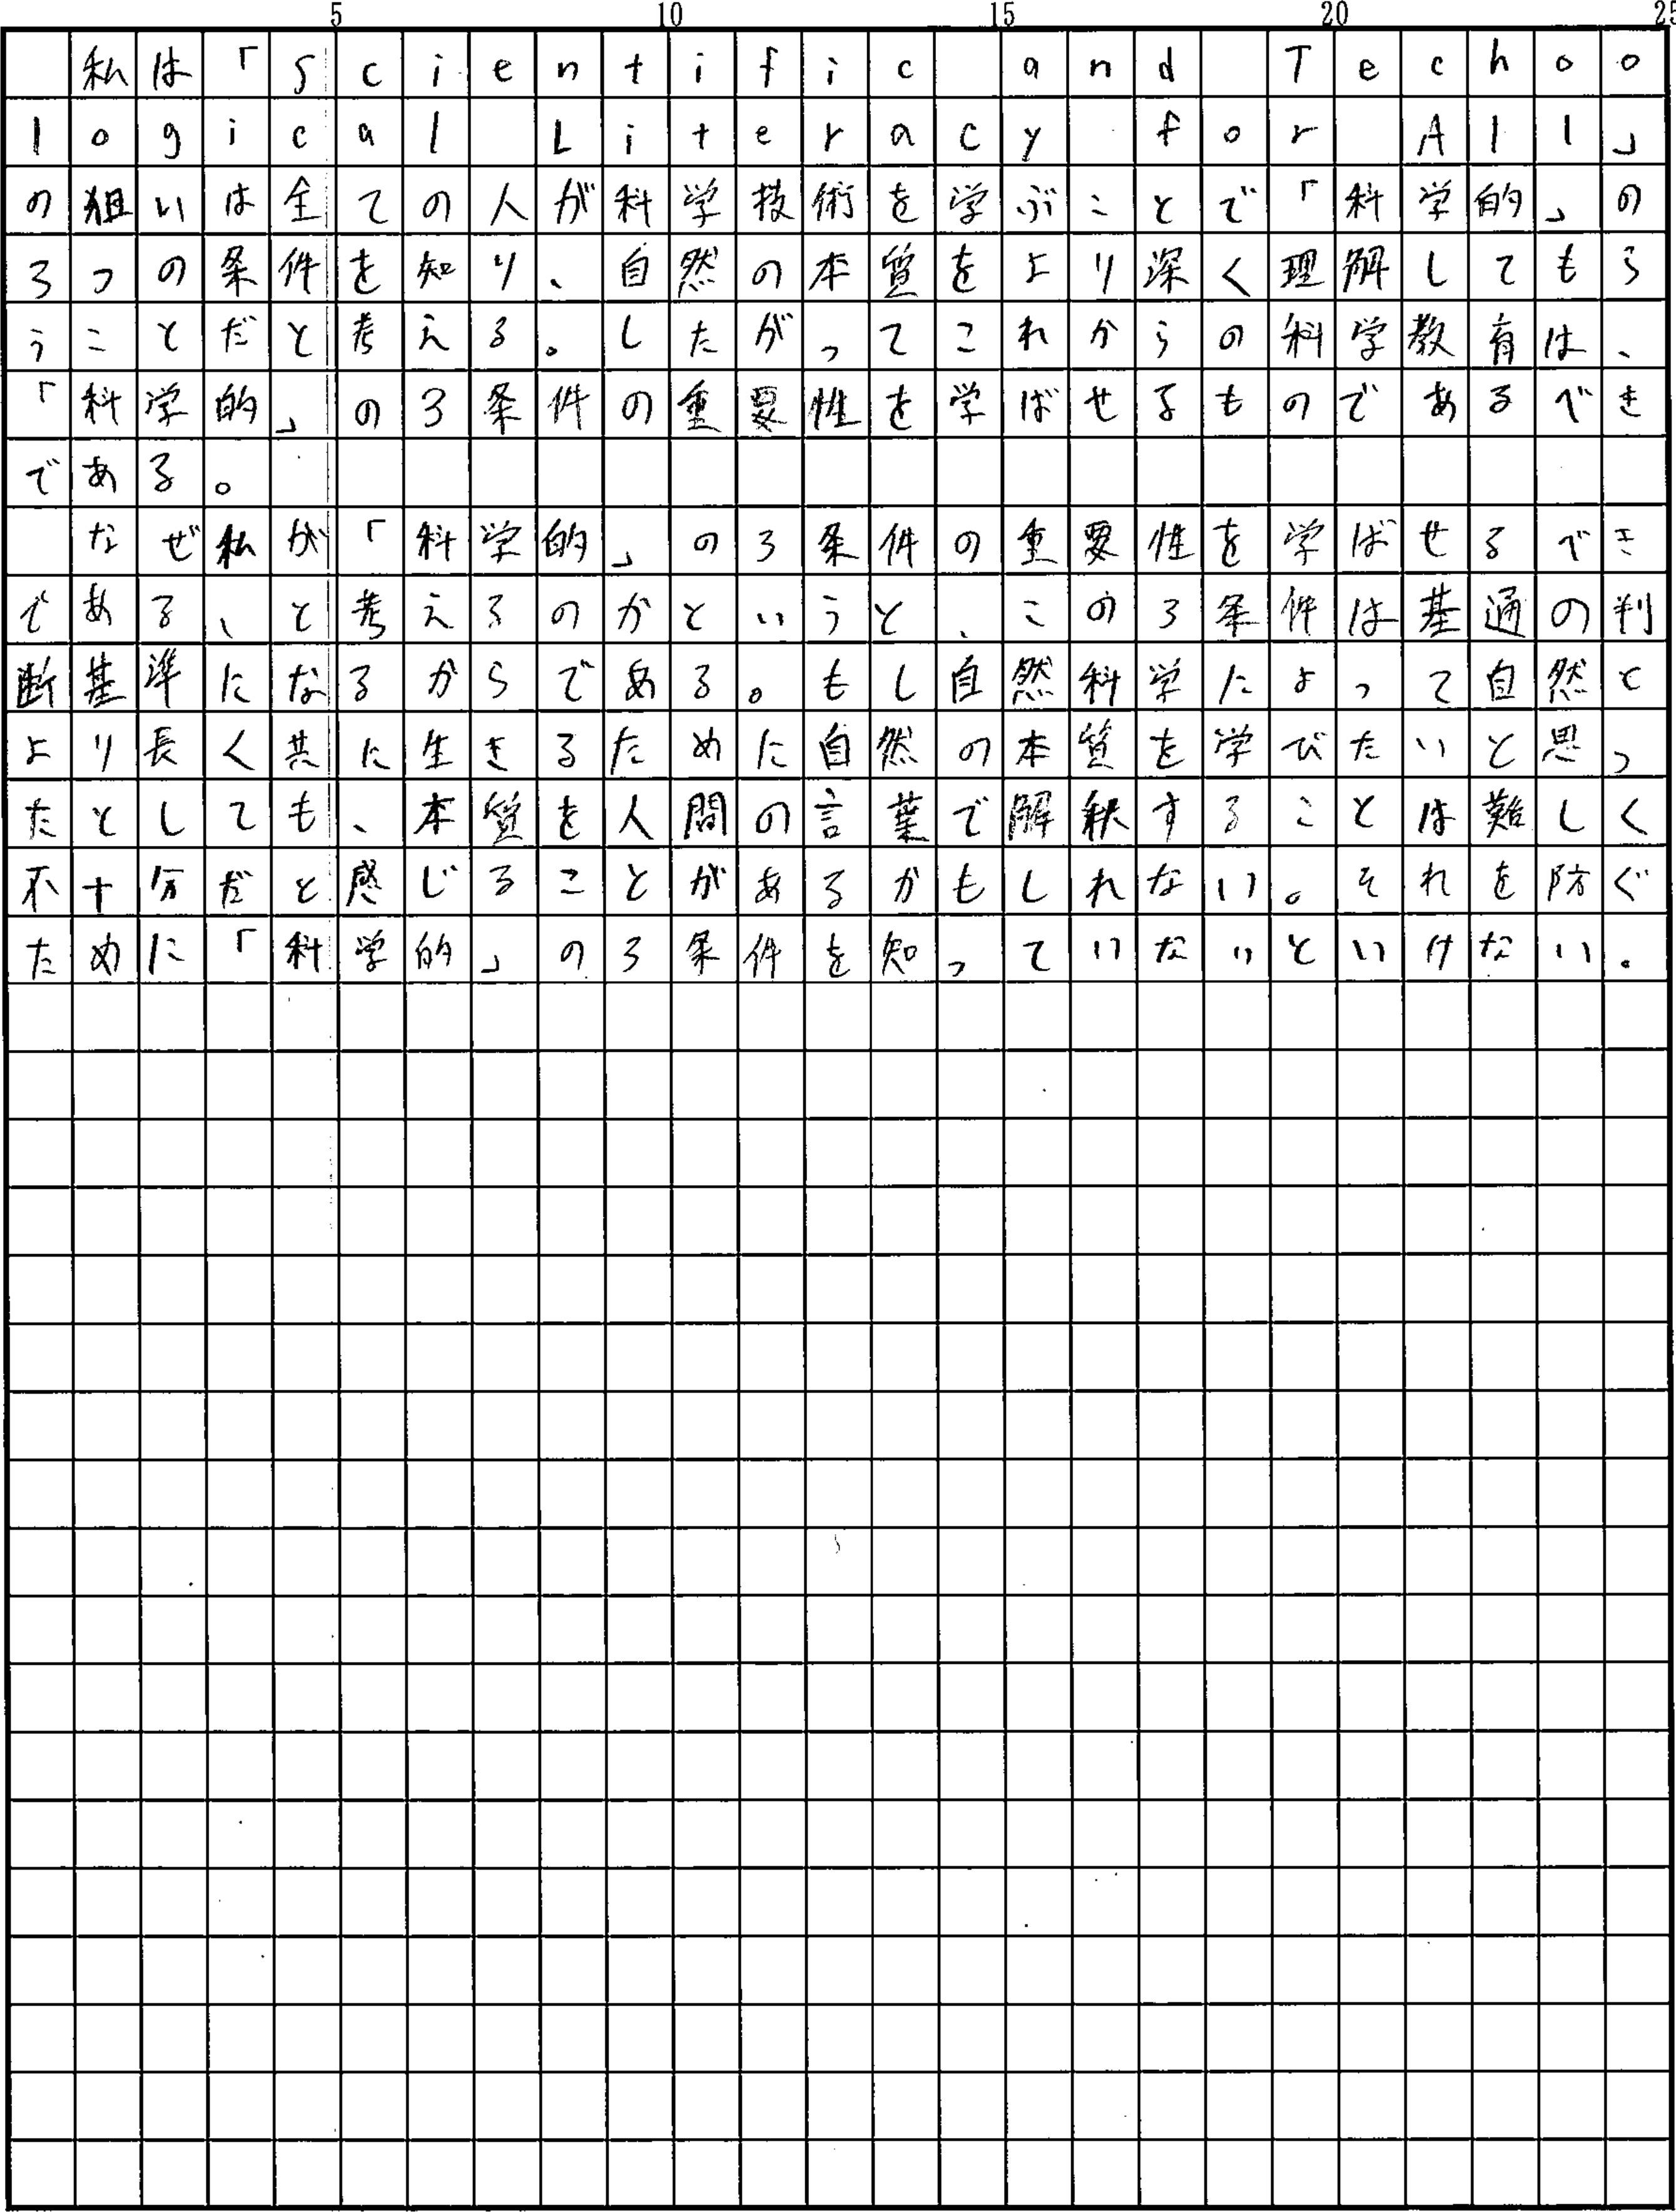　私は「Ｓｃｉｅｎｔｉｆｉｃ　ａｎｄ　Ｔｅｃｈｏｏｌｏｇｉｃａｌ　Ｌｉｔｅｒａｃｙ　ｆｏｒ　Ａｌｌ」の狙いは全ての人が科学技術を学ぶことで「科学的」の３つの条件を知り、自然の本質をより深く理解してもらうことだと考える。したがってこれからの科学教育は、「科学的」の３条件の重要性を学ばせるものであるべきである。
　なぜ私が「科学的」の３条件の重要性を学ばせるべきである、と考えるのかというと、この３条件は基通の判断基準になるからである。もし自然科学によって自然とより長く共に生きるために自然の本質を学びたいと思ったとしても、本質を人間の言葉で解釈することは難しく不十分だと感じることがあるかもしれない。それを防ぐために「科学的」の３条件を知っていないといけない。
